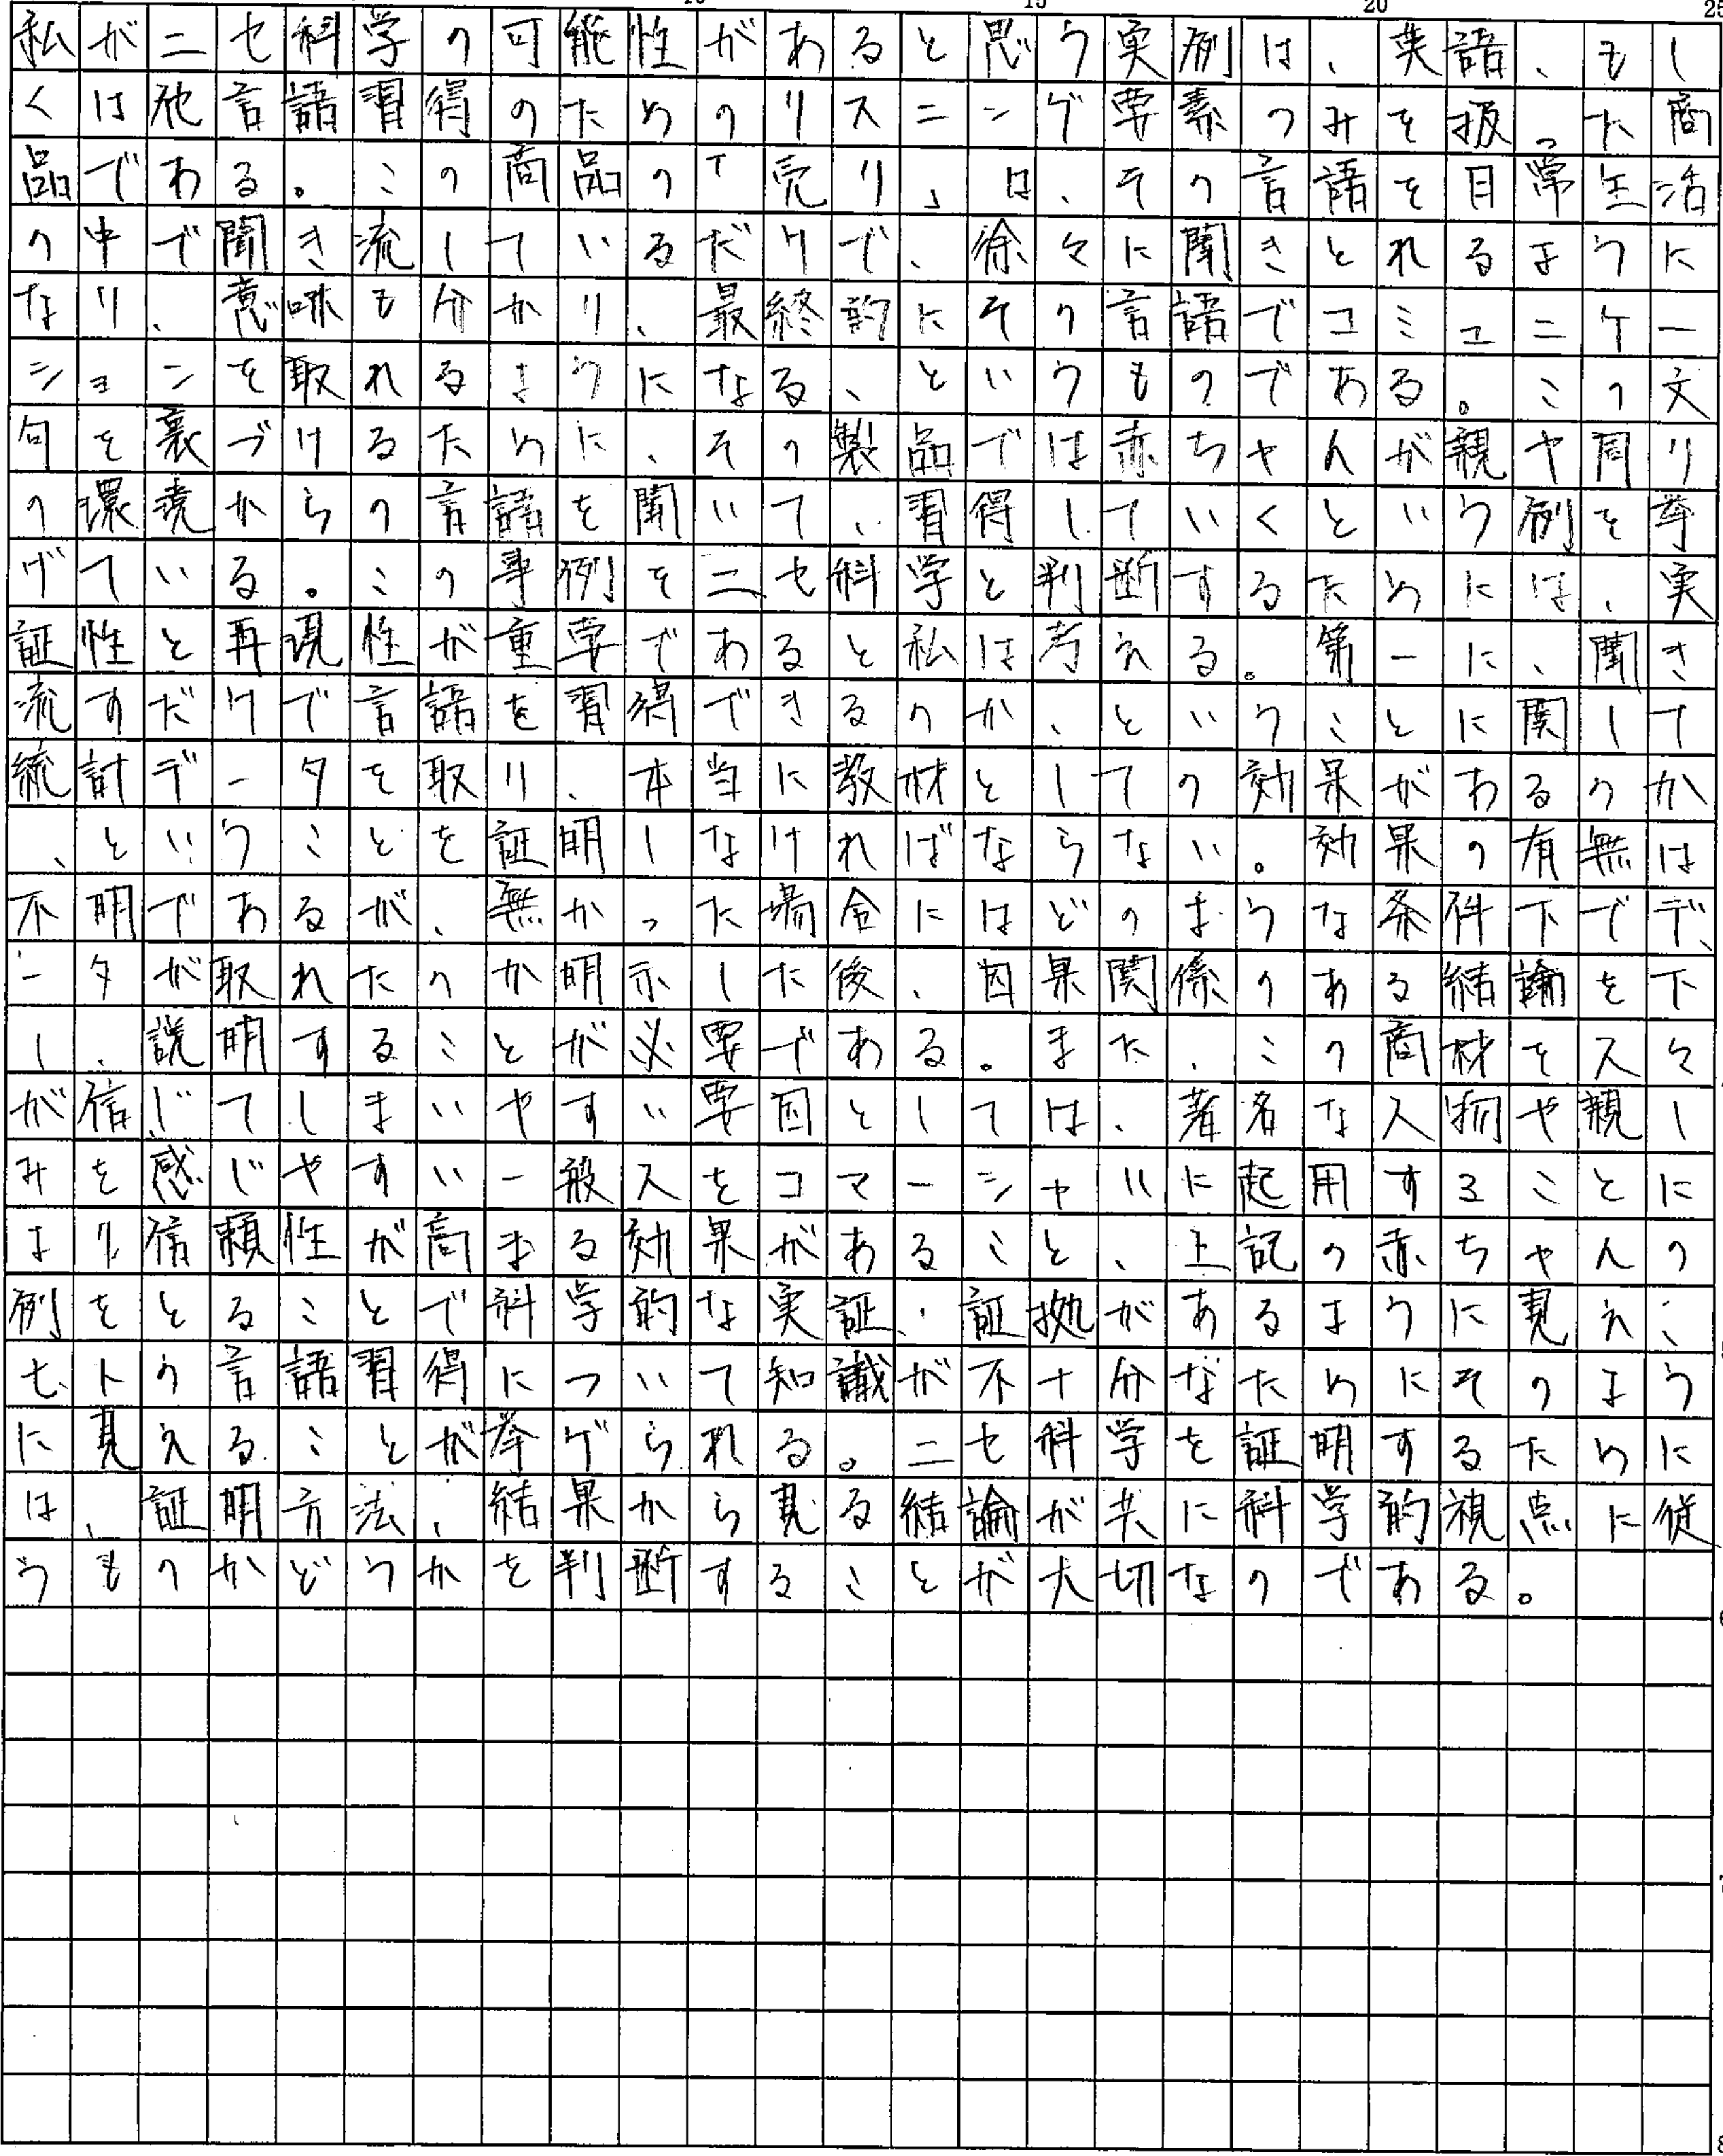私がニセ科学の可能性があると思う実例は、英語、もしくは▁言語習得のためのリスニング要素のみを扱った商品である。この商品の「売り」は、その言語を日常生活の中で聞き流しているだけで、徐々に聞きとれるようになり、意味も分かり、最終的にその言語でコミュニケーションを取れるようになる、というものである。この文句を裏づけるために、その製品では赤ちゃんが親や周りの環境からの言語を聞いて、習得していくという例を挙げている。この事例をニセ科学と判断するためには、実証性と再現性が重要であると私は考える。第一に、聞き流すだけで言語を習得できるのか、ということに関して統計データを取り、本当に教材としての効果があるのか、ということを証明しなければならない。効果の有無は不明であるが、無かった場合にはどのような条件下でデータが取れたのか明示した後、因果関係のある結論を下し、説明することが必要である。また、この商材を人々が信じてしまいやすい要因としては、著名な人物や親しみを感じやすい一般人をコマーシャルに起用することにより信頼性が高まる効果があること、上記の赤ちゃんの例をとることで科学的な実証・証拠があるように見え、ヒトの言語習得について知識が不十分なためにそのように見えることが挙げられる。ニセ科学を証明するためには、証明方法、結果から見る結論が共に科学的視点に従うものかどうかを判断することが大切なのである。
